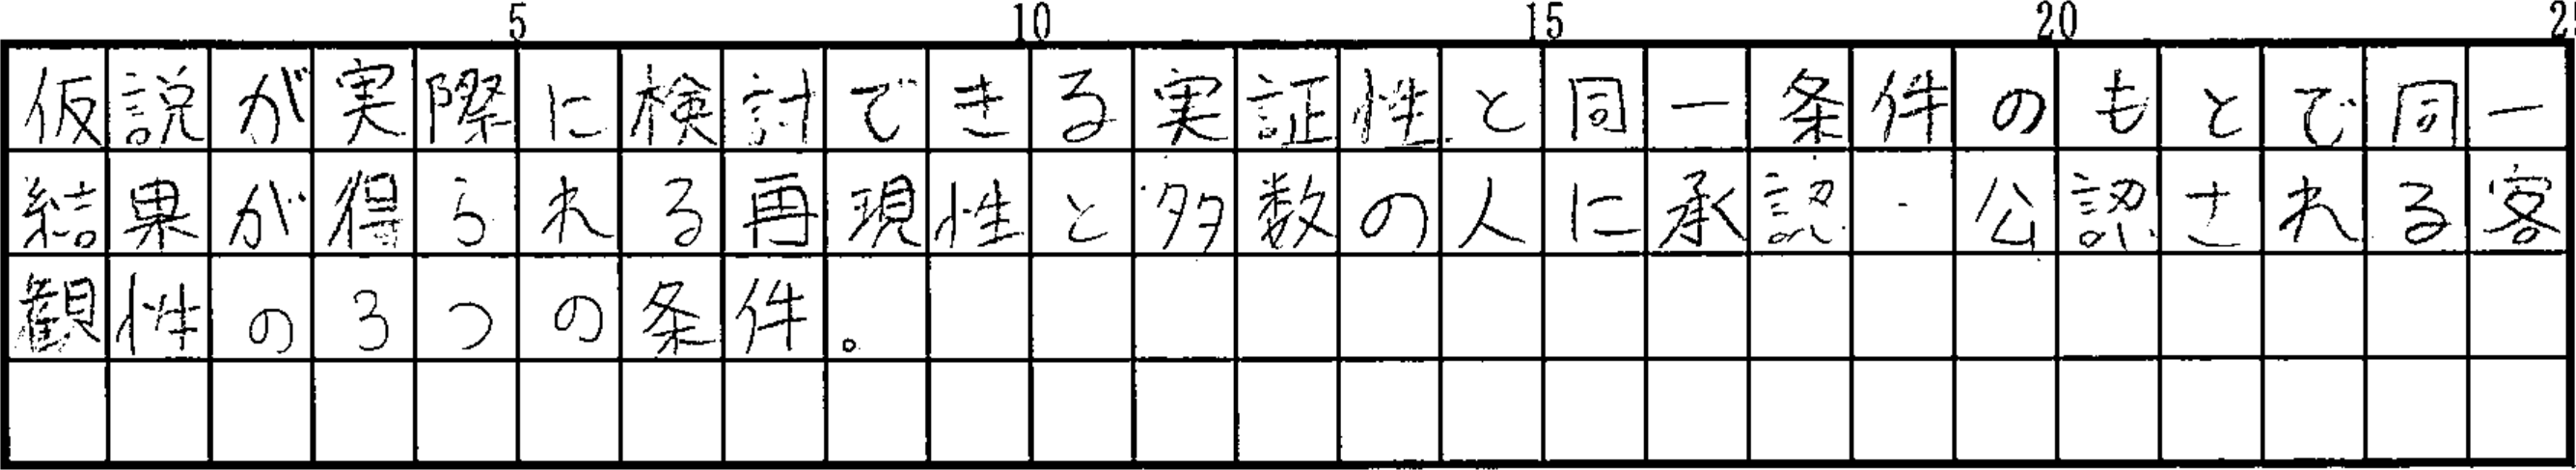仮説が実際に検証できる実証性と同一条件のもとで同一結果が得られる再現性と多数の人に承認・公認される客観性の３つの条件。
